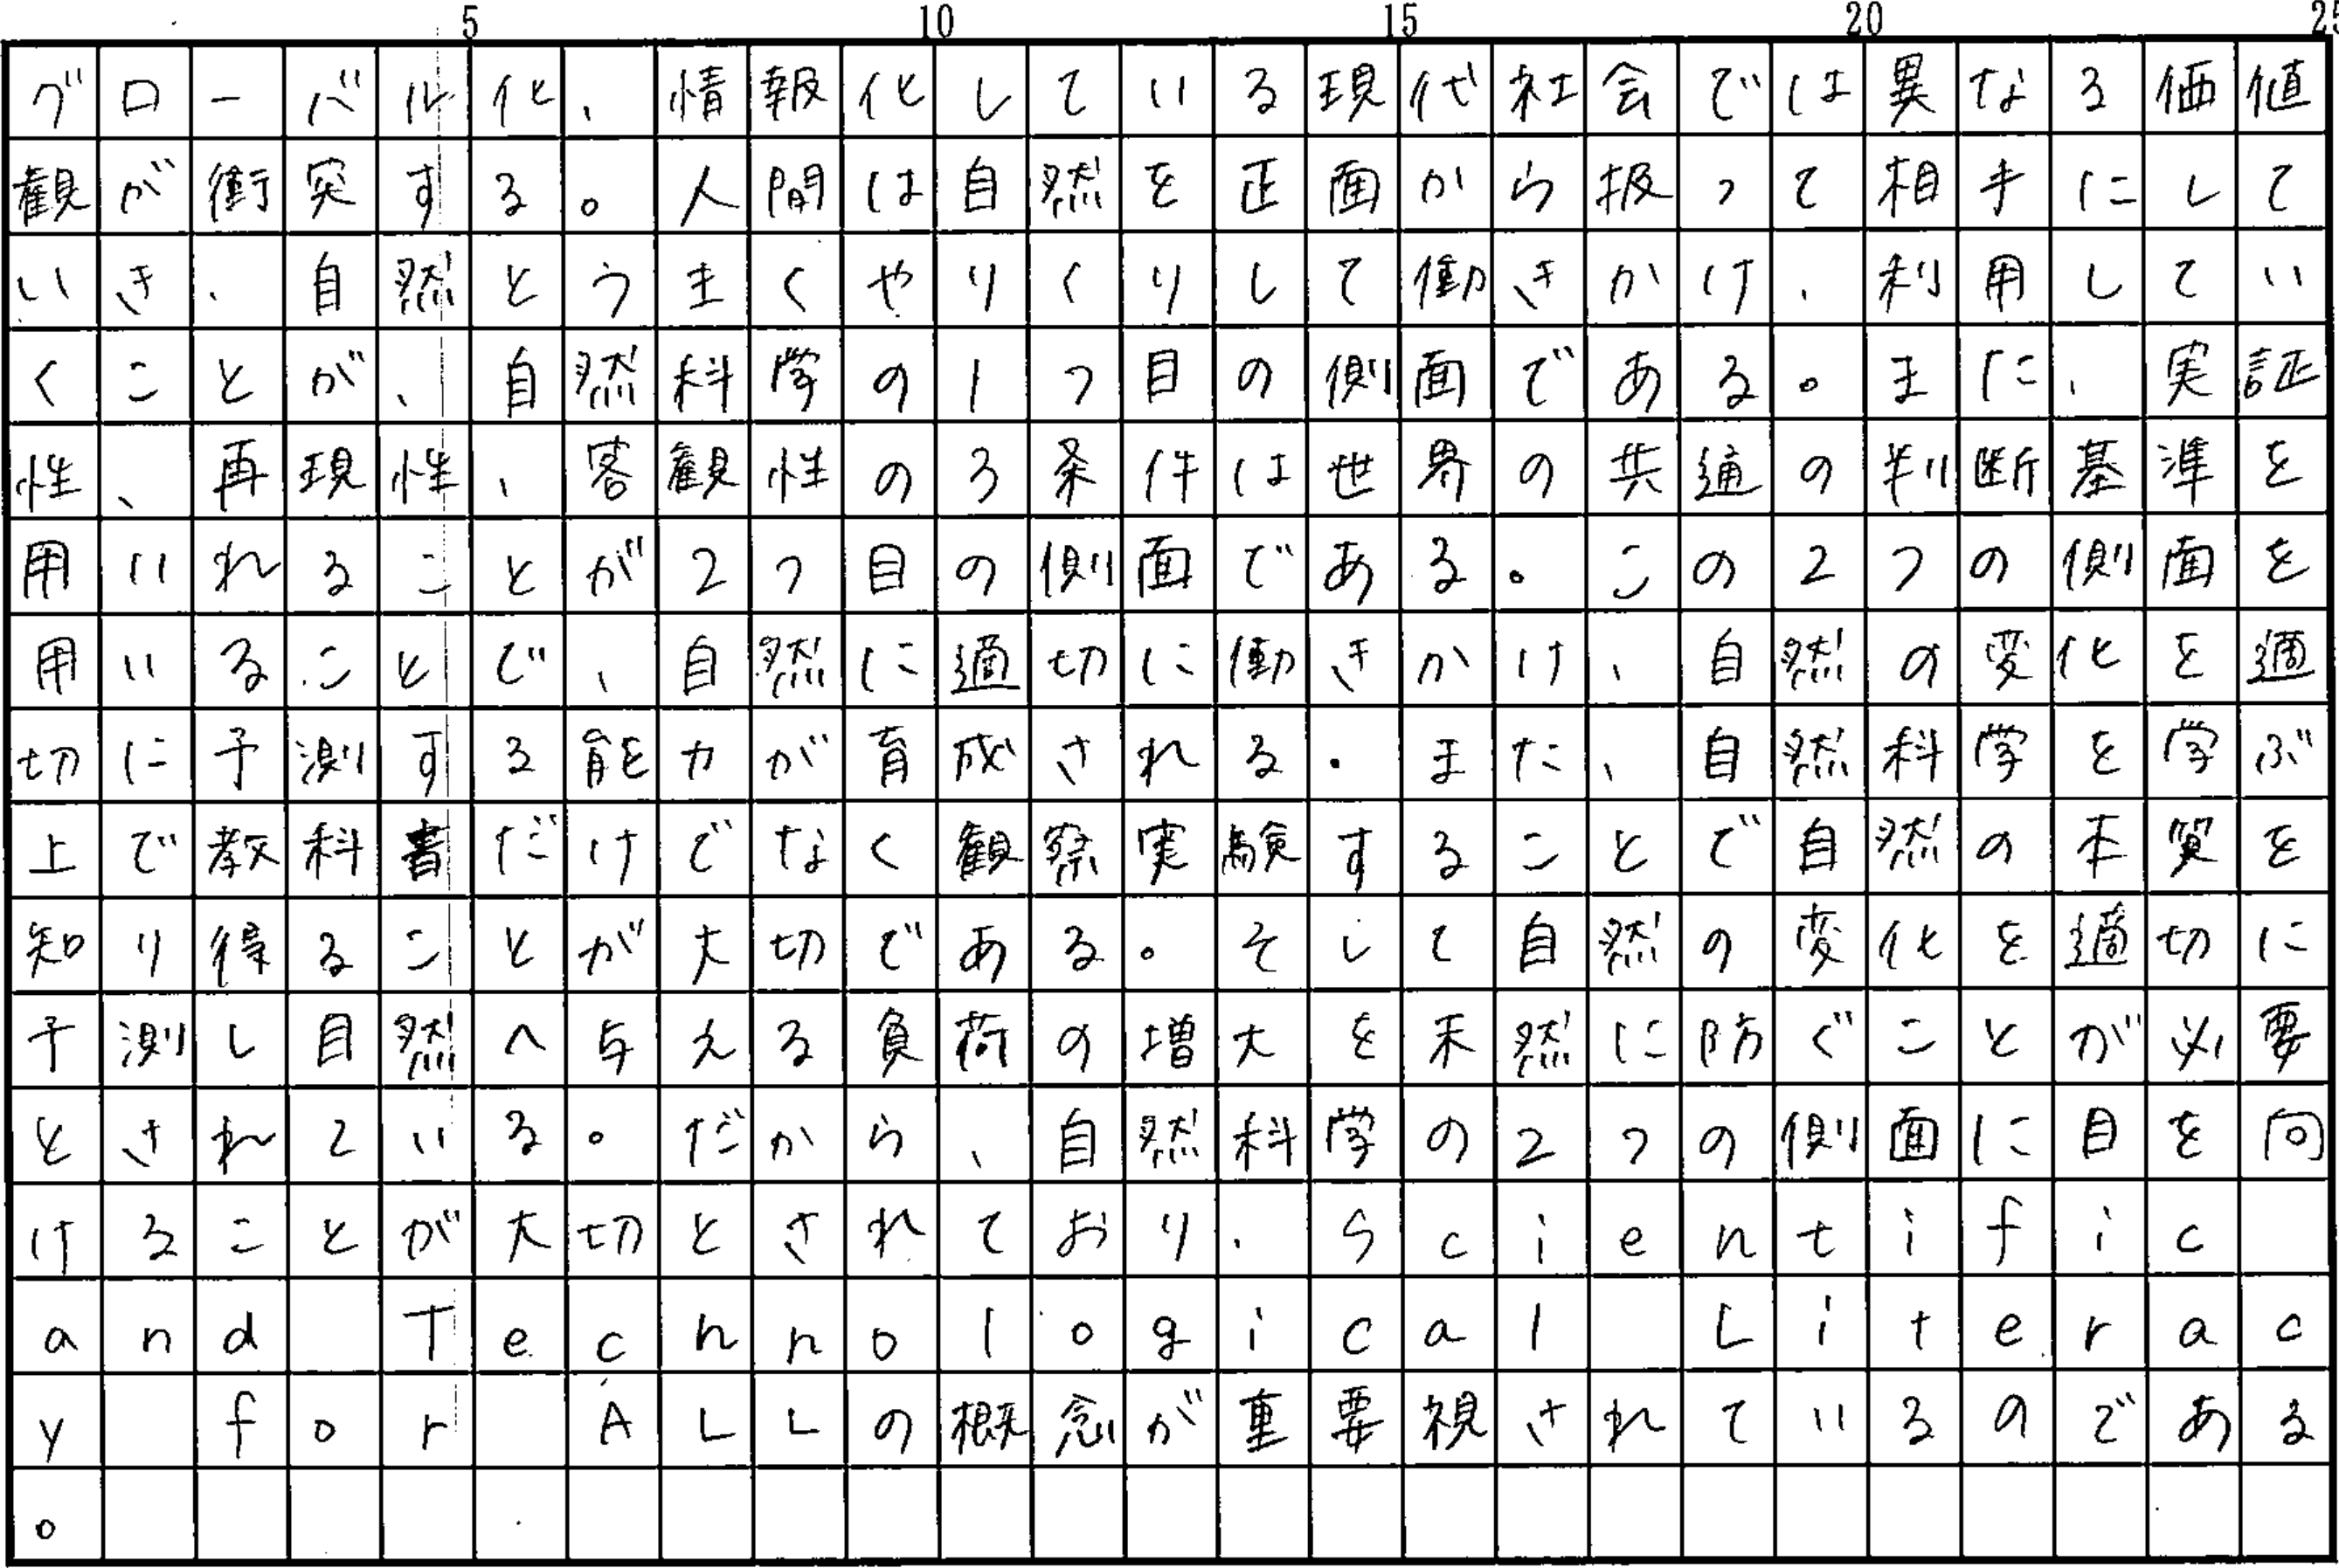グローバル化、情報化している現代社会では異なる価値観が衝突する。人間は自然を正面から扱って相手にしていき、自然とうまくやりくりして働きかけ、利用していくことが、自然科学の１つ目の側面である。また、実証性、再現性、客観性の３条件は世界の共通の判断基準を用いれることが２つ目の側面である。この２つの側面を用いることで、自然に適切に働きかけ、自然の変化を適切に予測する能力が育成される。また、自然科学を学ぶ上で教科書だけでなく観察実験することで自然の本質を知り得ることが大切である。そして自然の変化を適切に予測し自然へ与える負荷の増大を未然に防ぐことが必要とされている。だから、自然科学の２つの側面に目を向けることが大切とされており、Ｓｃｉｅｎｔｉｆｉｃ　ａｎｄ　Ｔｅｃｈｎｏｌｏｇｉｃａｌ　Ｌｉｔｅｒａｃｙ　ｆｏｒ　Ａｌｌの概念が重要視されているのである。
